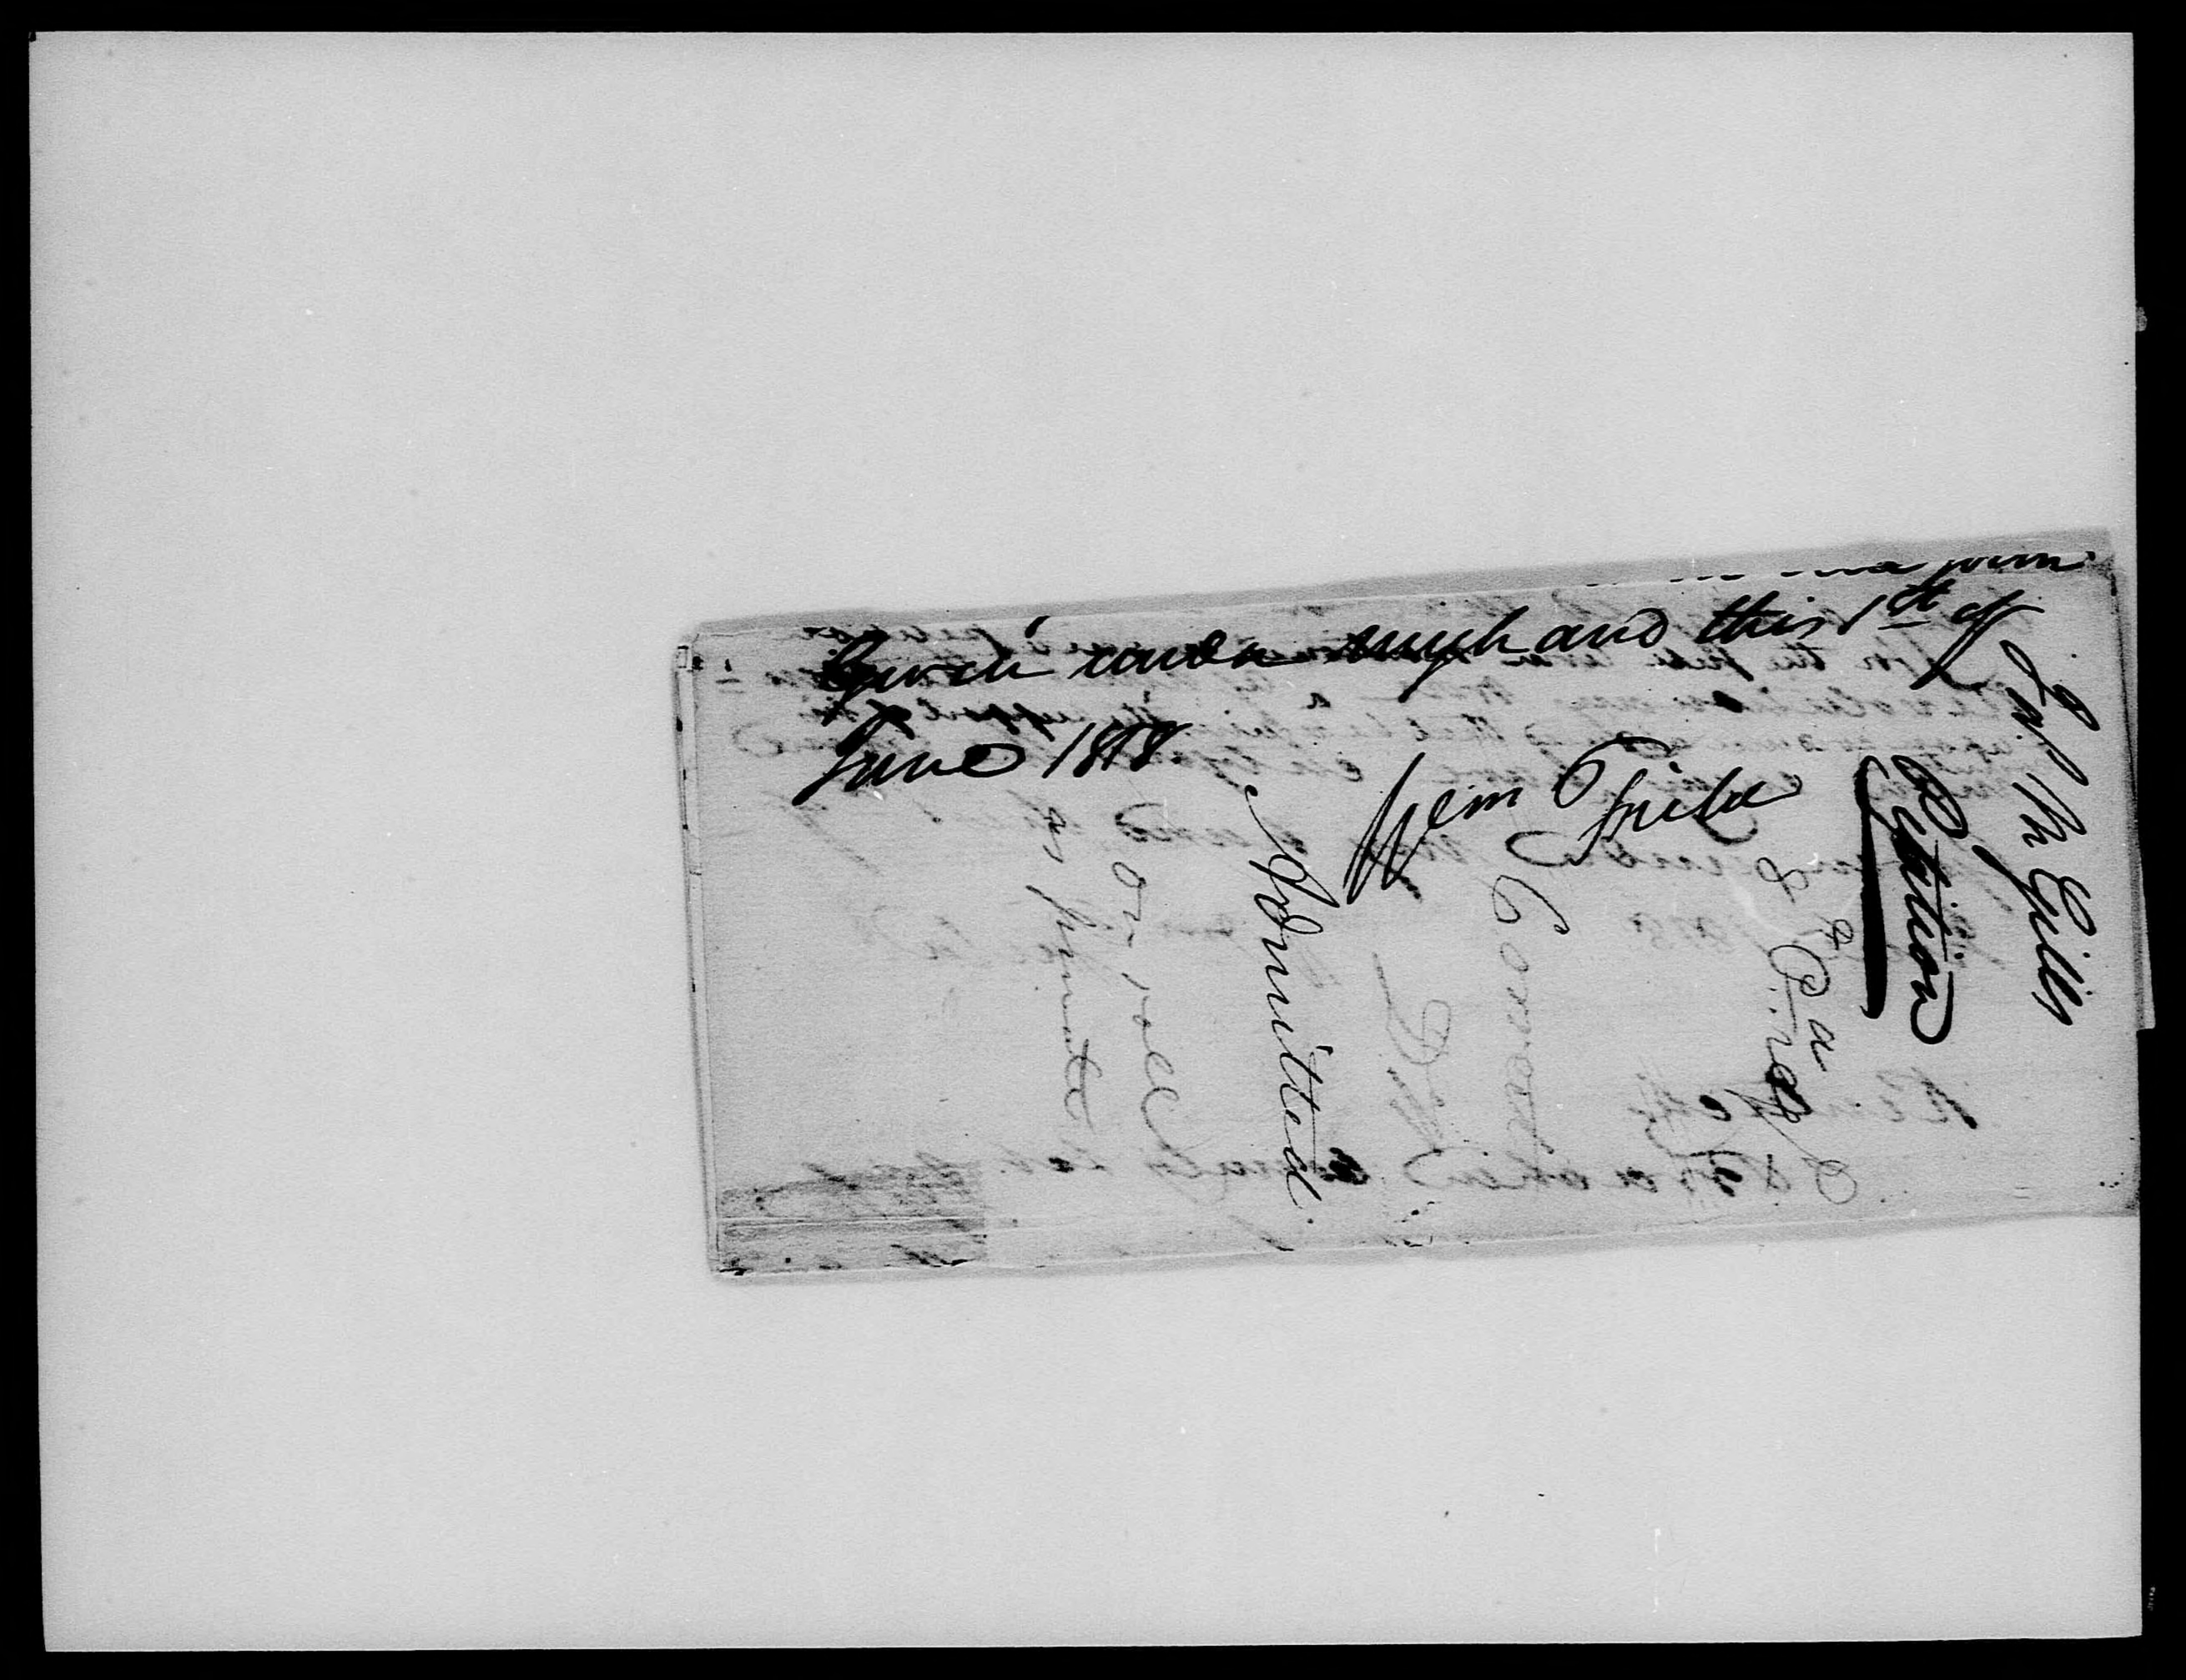image 73   (# 4160873_00073)    
Fold3 File #23857240
[Cover]
Jas. McGill   Petition
8  ¶  Pa ____  on roll as private 
Admitted on roll as private.
[ Sidebar] Given under oath and [on] this 1st day of June 1818          Wm C. Field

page: 16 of 71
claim: widow's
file: W. 8428, for James Mc Gill, Pennsylvania